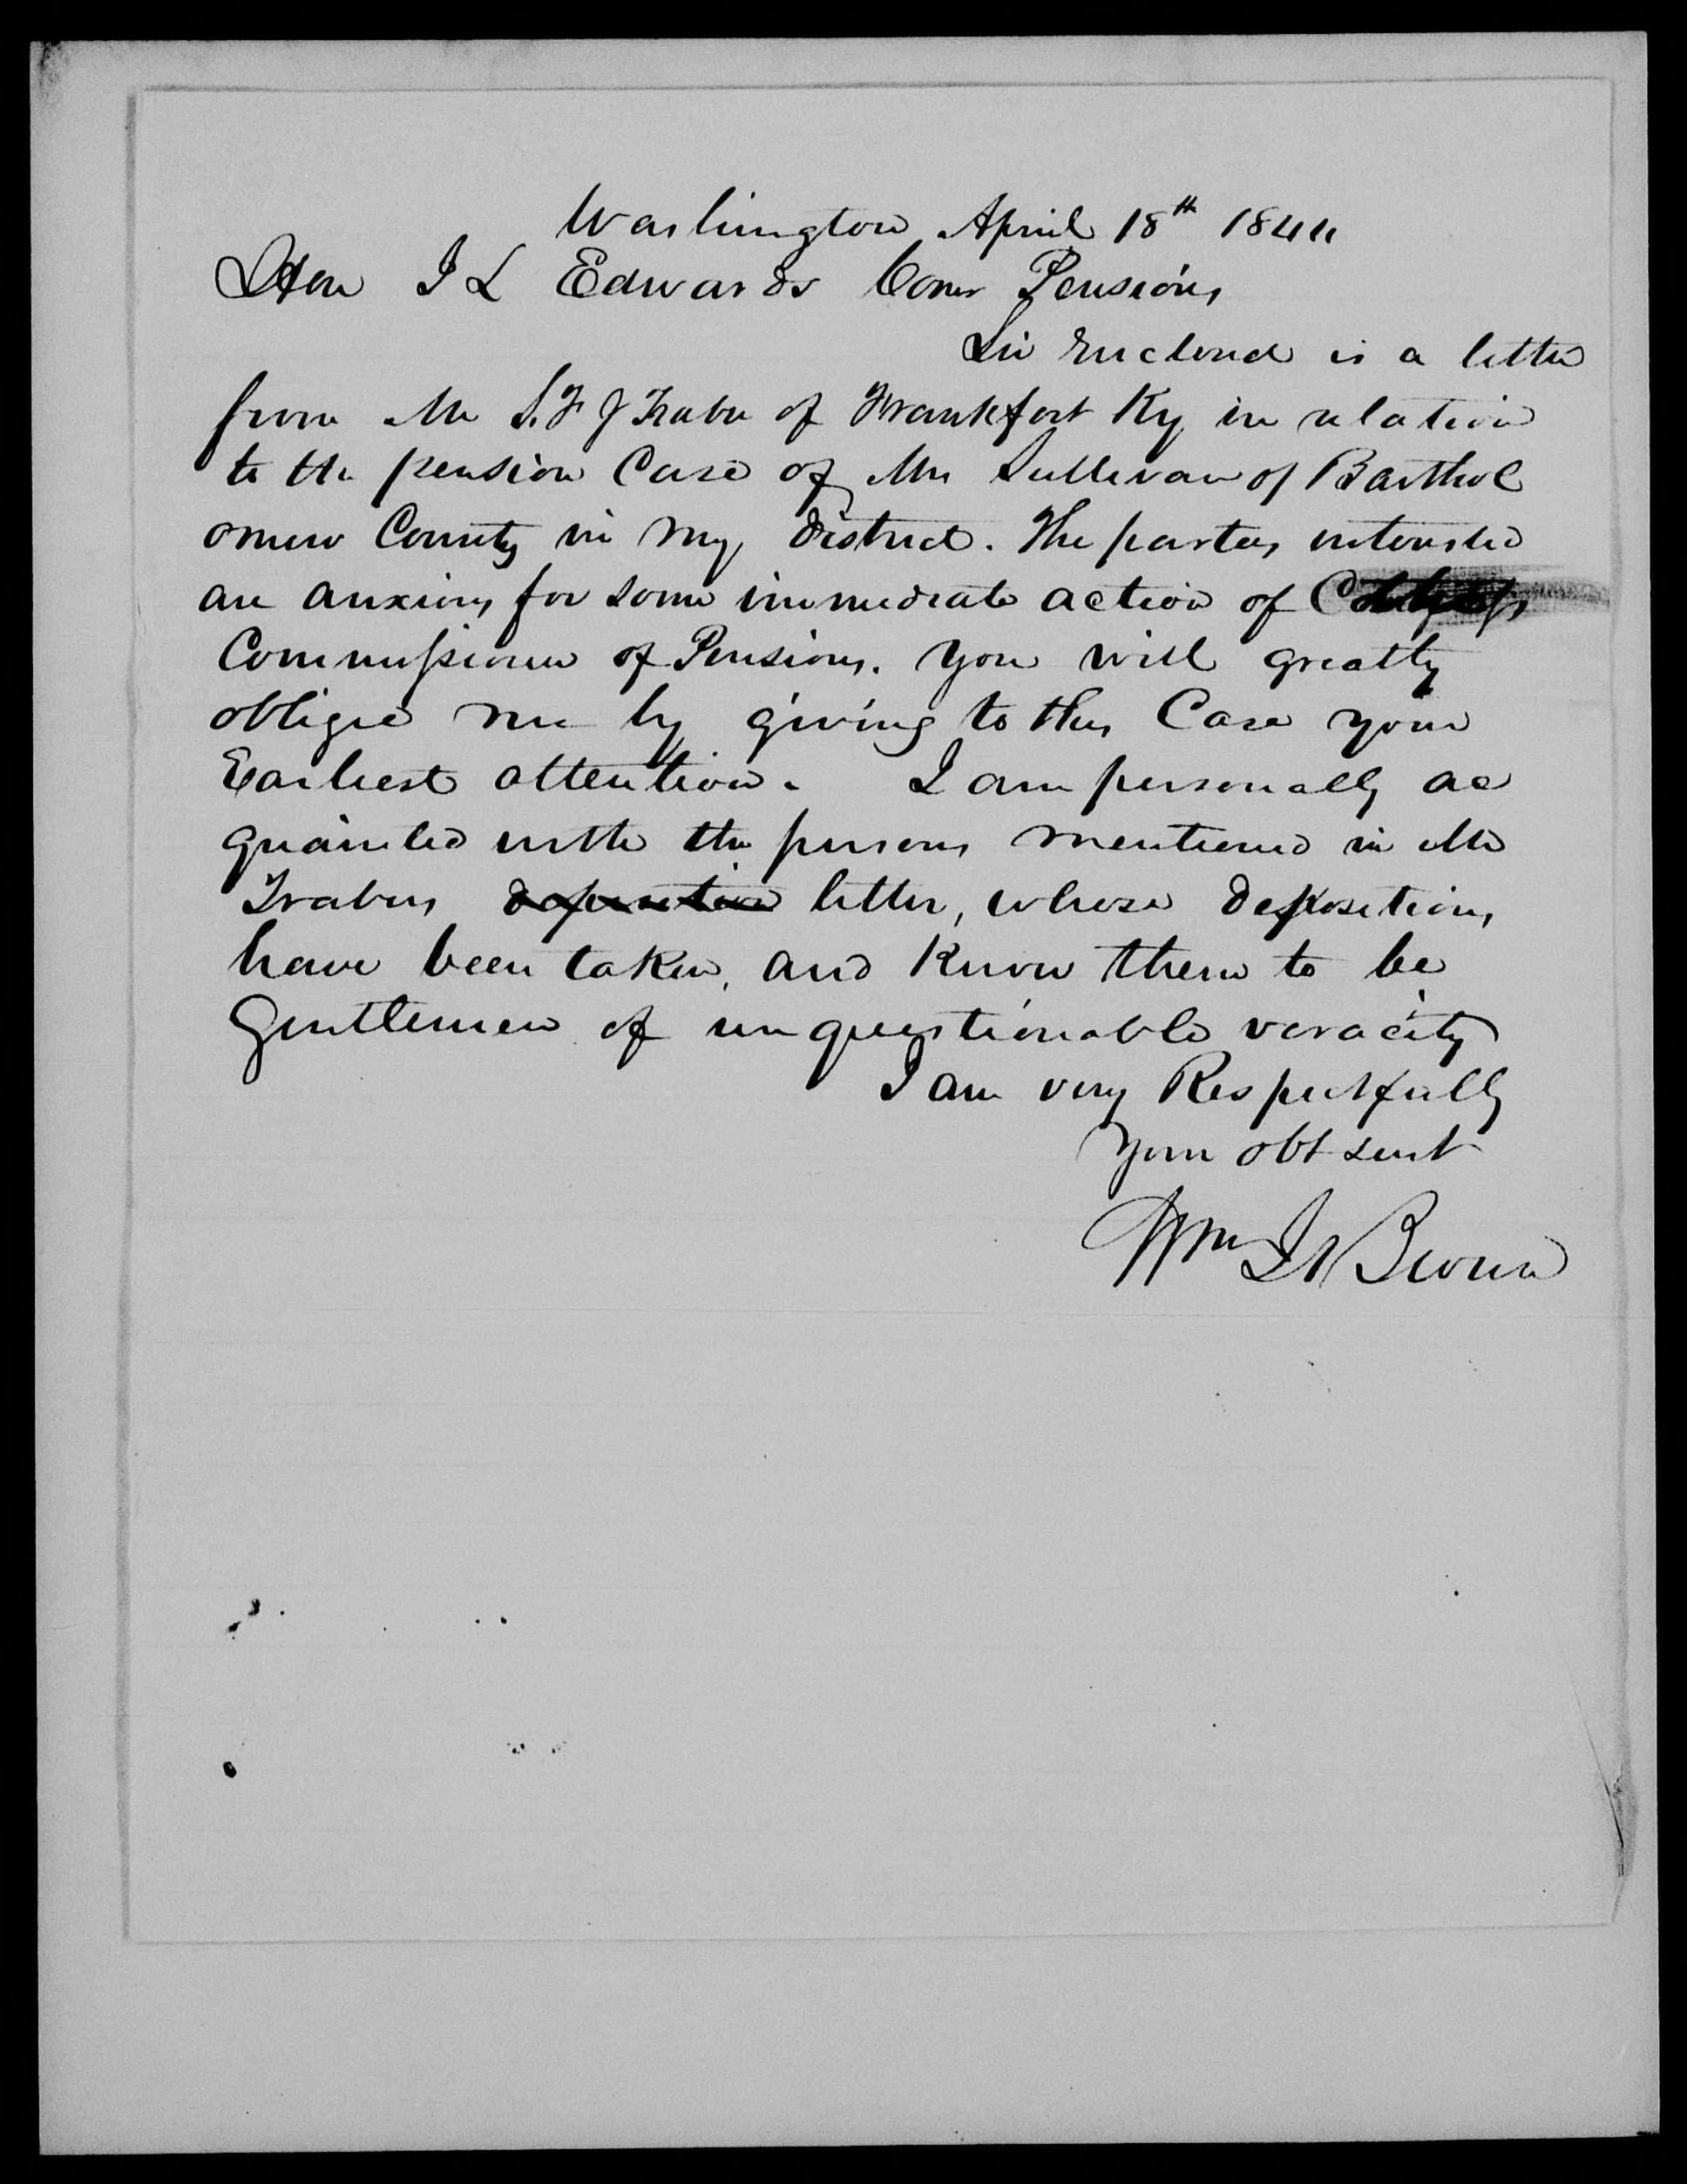Washington April 18th 1844
Hon J L Edwards Comr Pensions

Sir Enclosed is a letter from Mr S. F J Trabue of Frankfort Ky in relation to the pension case of Mrs Sullivan of Bartholomew County in my district. The parties interested are anxious for some immediate action of [smudged] Commissioner of Pensions. You will greatly oblige me by giving to this case your Earliest attention. I am personally acquainted with the persons mentioned in the Trabue letter, whose depositions have been taken and know them to be Gentleman of unquestionable veracity
I am very Respectfully
Your obt servt
[signed] Wm J Brown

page: 46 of 78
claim: widow's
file: W. 25,169, for Daniel Sullivan, Maryland